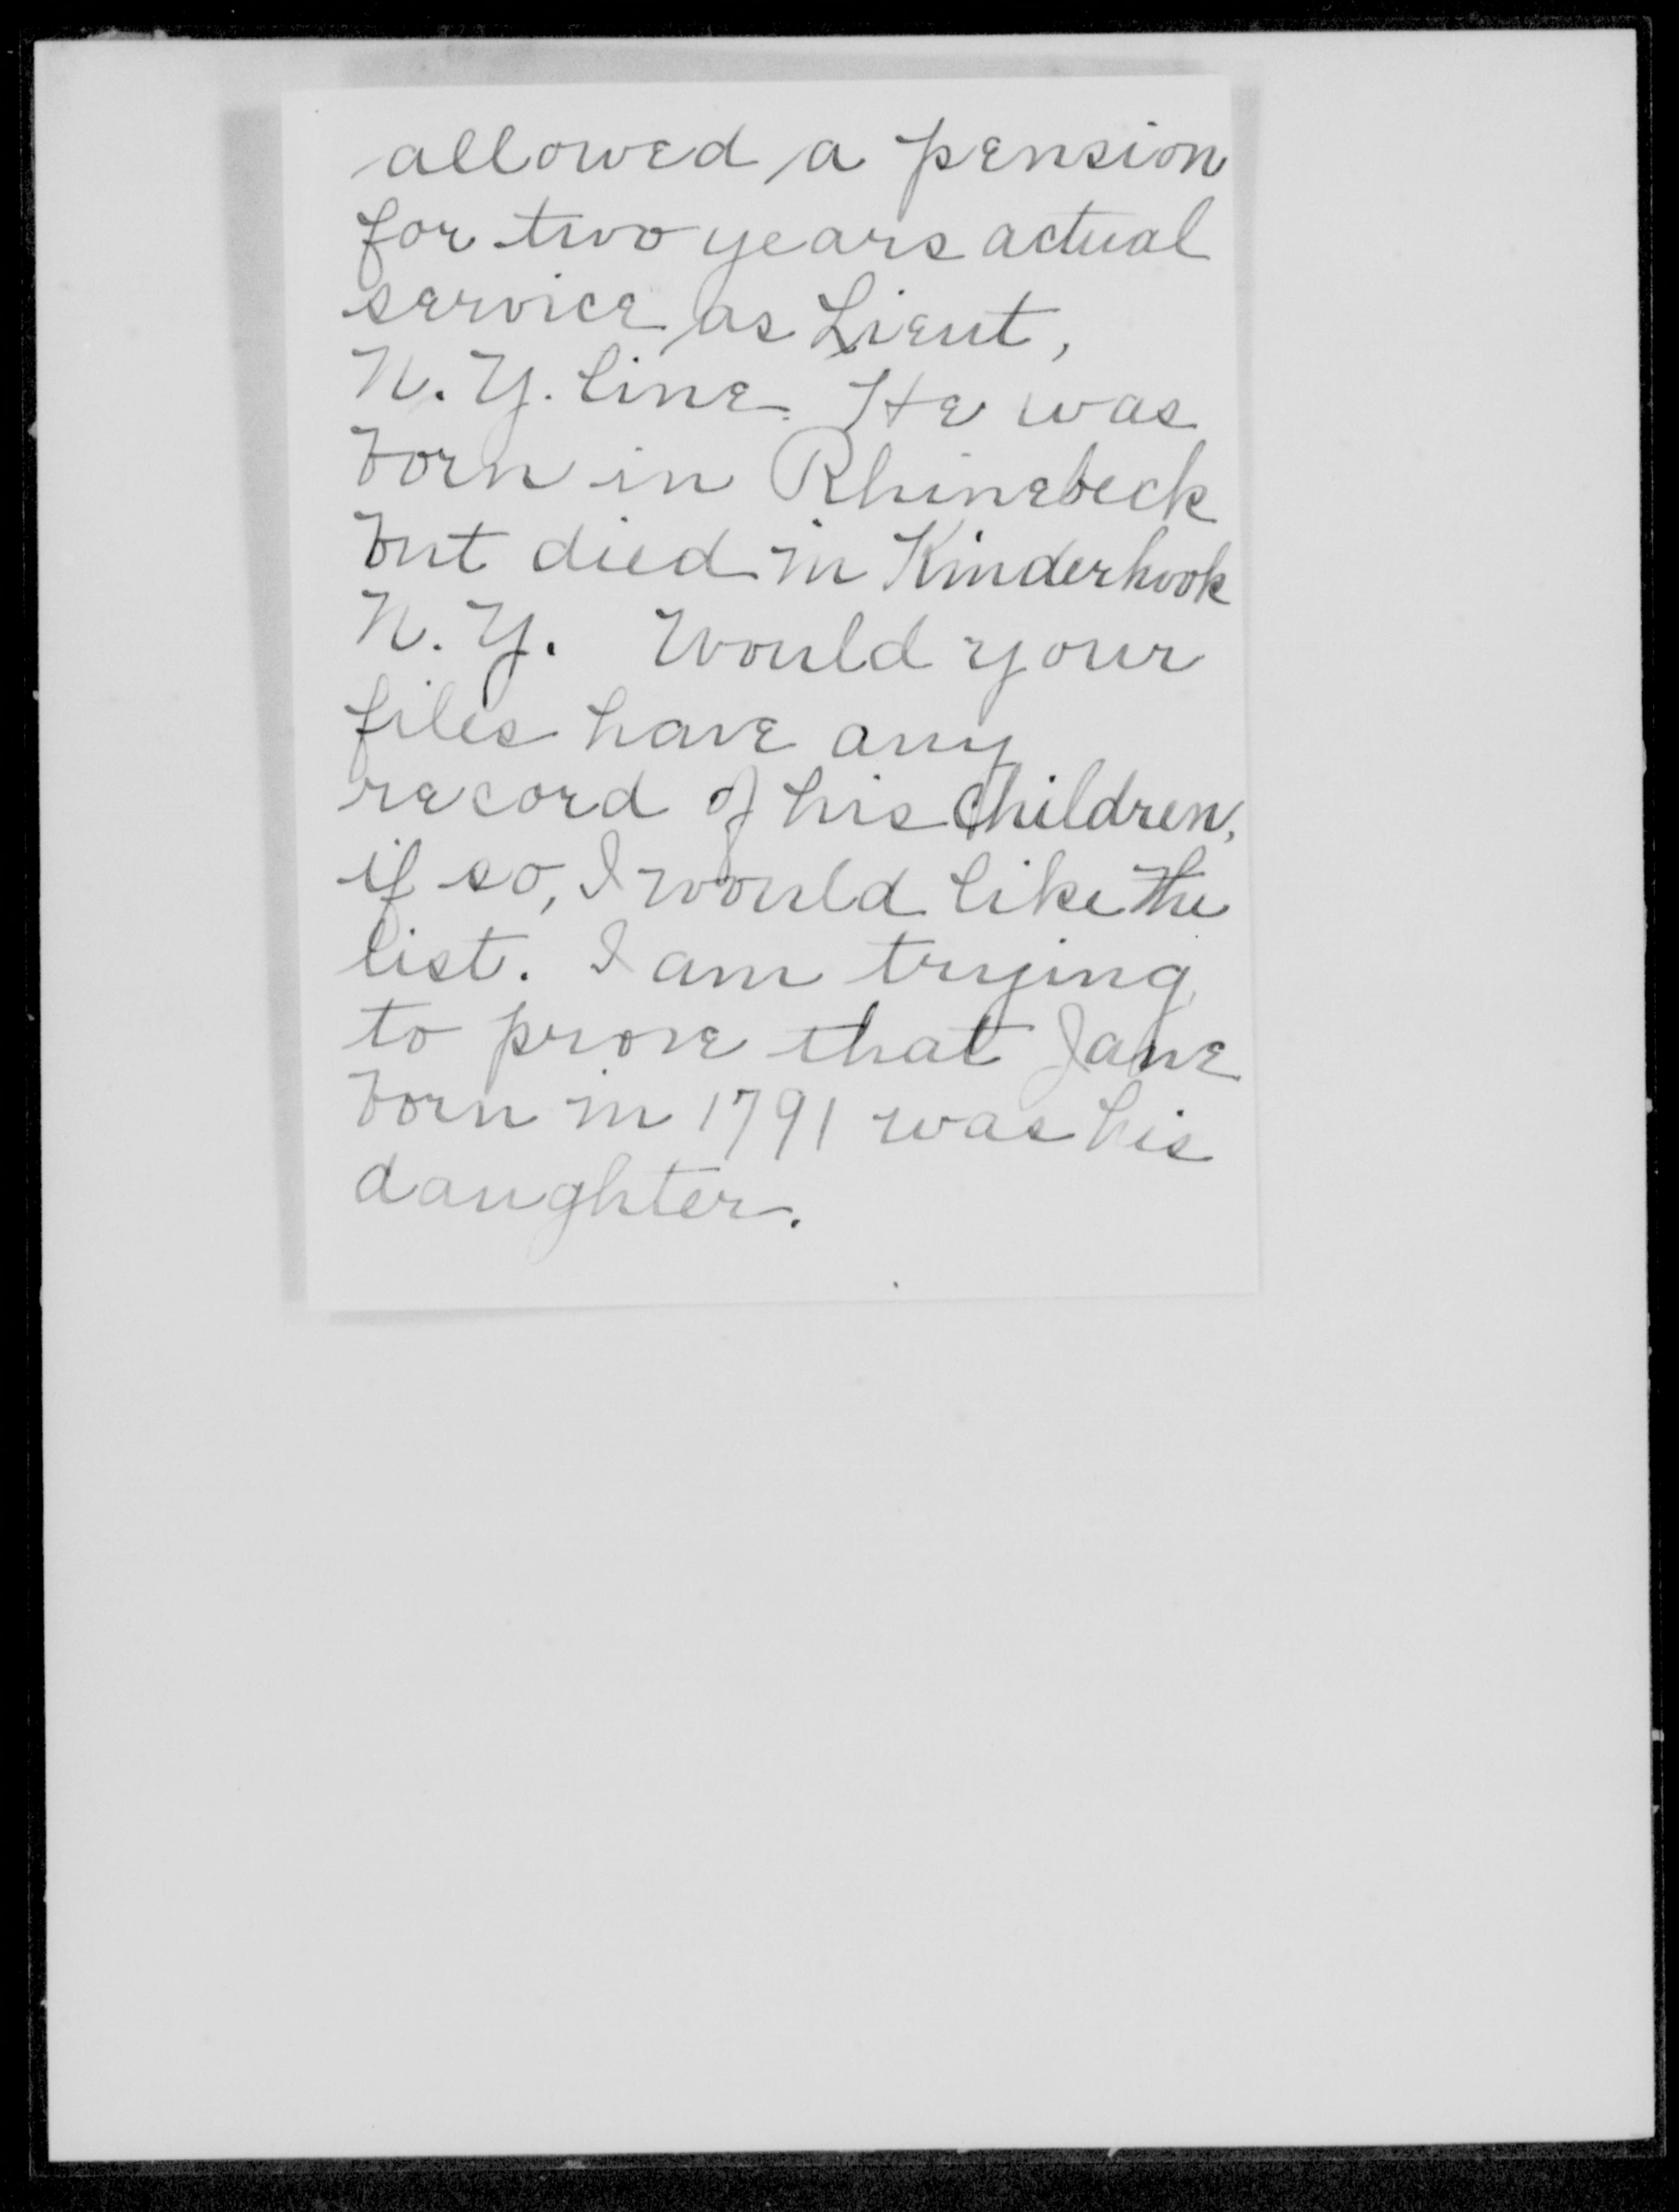allowed a pension for two years actual service as Lieut, N.Y. line. He was born in Rhinebeck but died in Kinderhook N.Y. Would your files have any record of his children. if so, I would like the list. I am trying
to prove that Jane born in 1791 was his daughter.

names: Jane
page: 27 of 38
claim: widow's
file: W. 23324, Rudolphus Van Hoevenbergh, New York